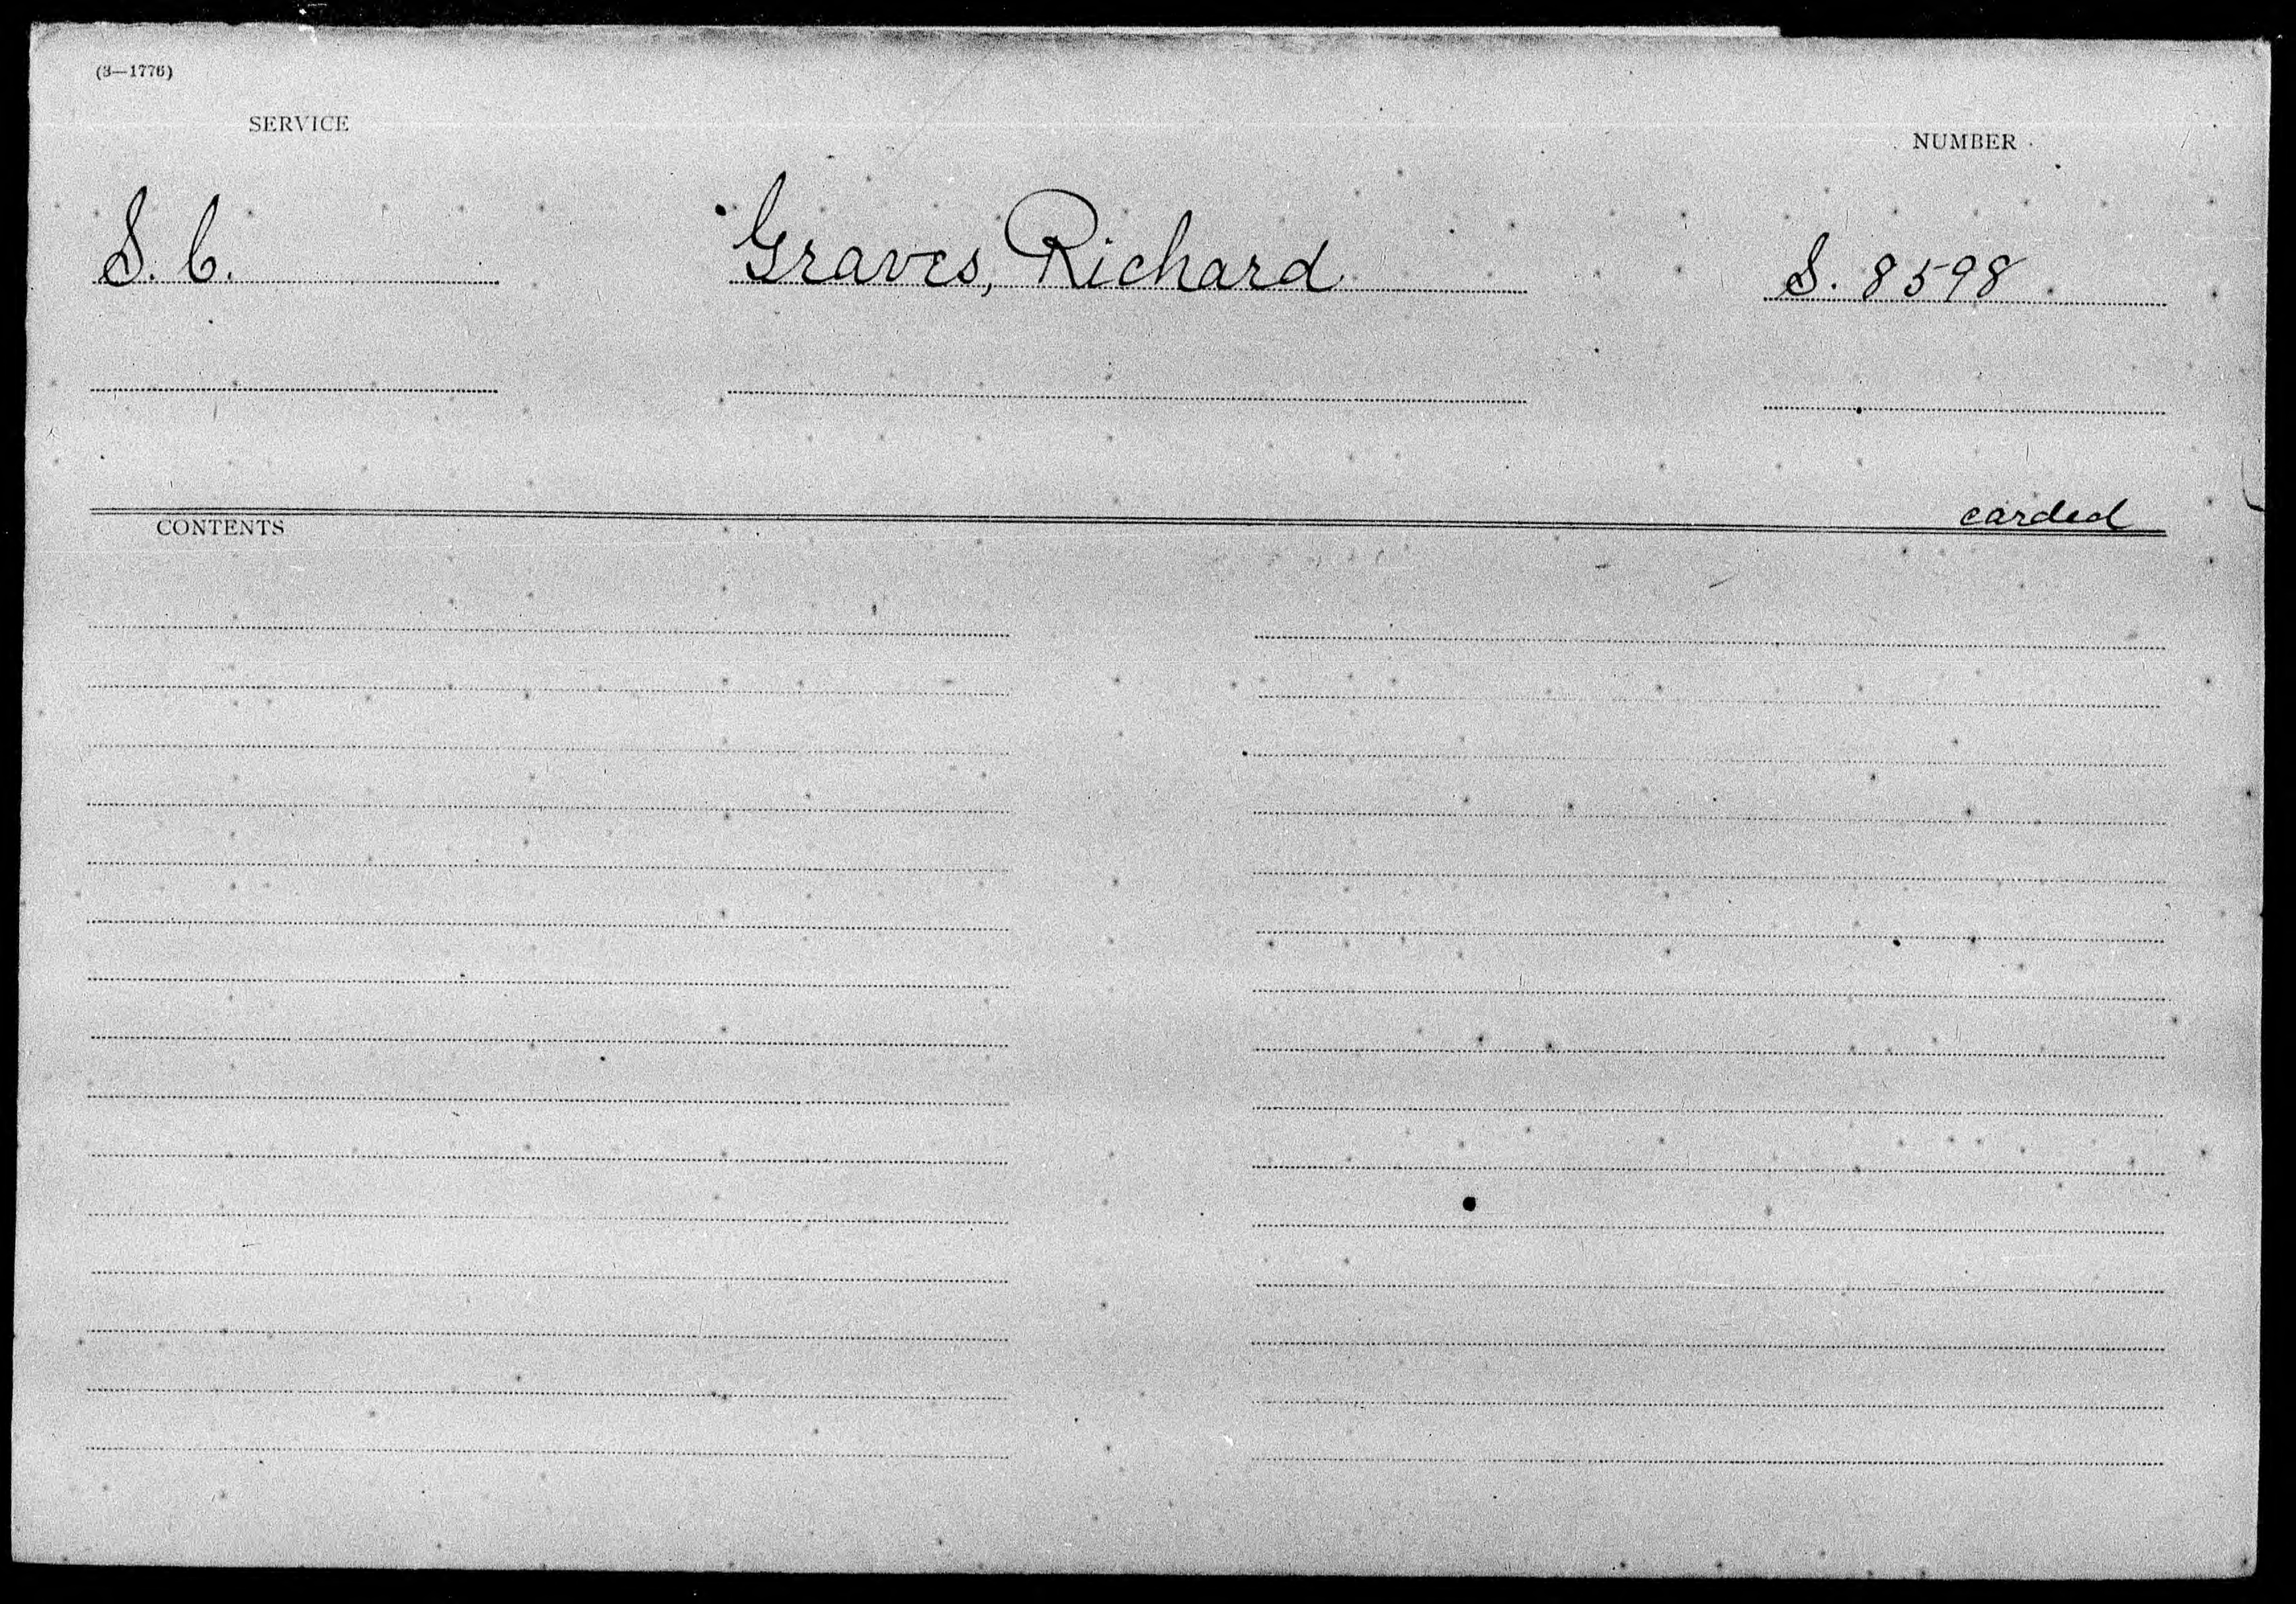SERVICE 
S.C.

Graves, Richard

NUMBER
S.8598

carded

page: 1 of 15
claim: survivor's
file: S. 8598, Richard Graves, S.C.